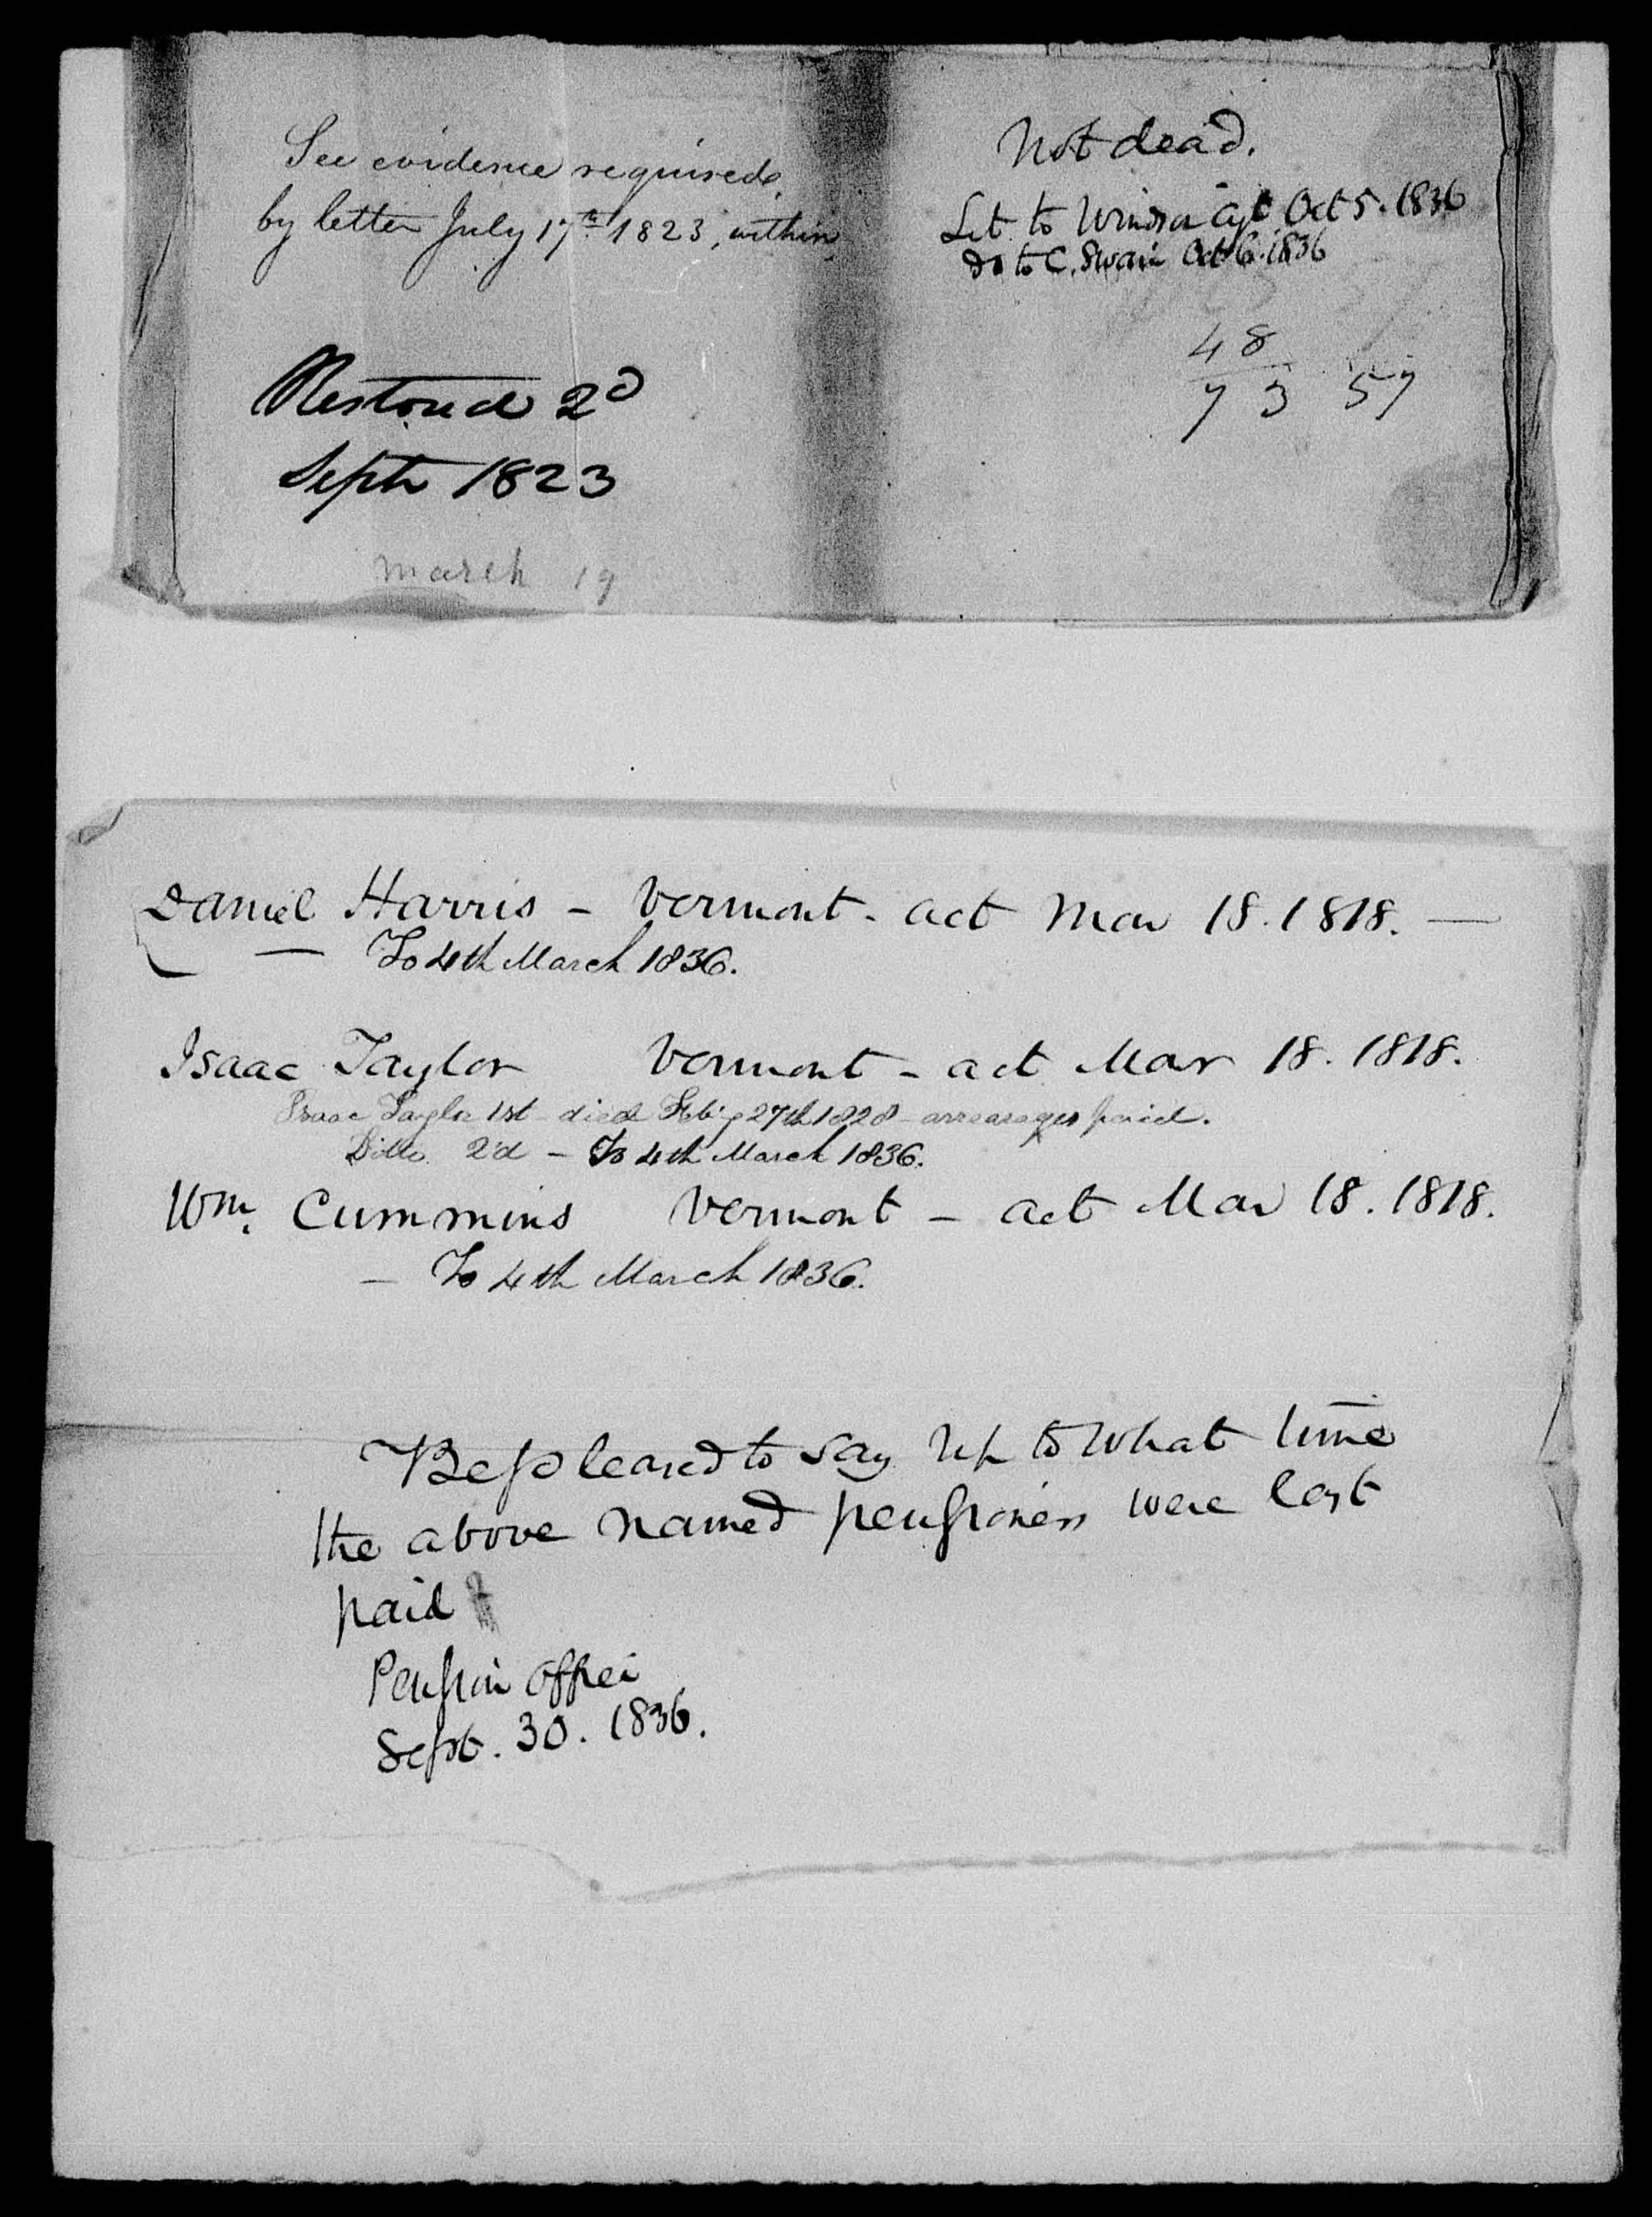[right side of document]
Sec evidence required by letter July 17th 1823 withing 
Restored  20 
Sept 1823

Not dead. 
Let. to Windham (?) Oct 5 1836
Do to C. Swain Oct. 6 1836.


[Left side of document]
Daniel Harris - Vermont - act Mar 18 1818
To 4th March 1836

Isaac Taylor - Vermont - Act Mar 18 1818
Isaac Taylor 1st died Feby 27th 1820 - arrears  paid. Bills 2'd - To (?) March 1836

Wm. Cummins - Vermont  - Act Mar 18 1818
to 4th March 1836. 


Be pleased to say Up to what time the above named pensioners were last paid? 
Pension Office
Sept. 30. 1836.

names: Wm Cummins, Isaac Taylor, Daniel Harris, Windsor, C Swan, Isaac Taylor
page: 38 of 68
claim: survivor's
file: S. 29,877, Daniel Harris, Mass.